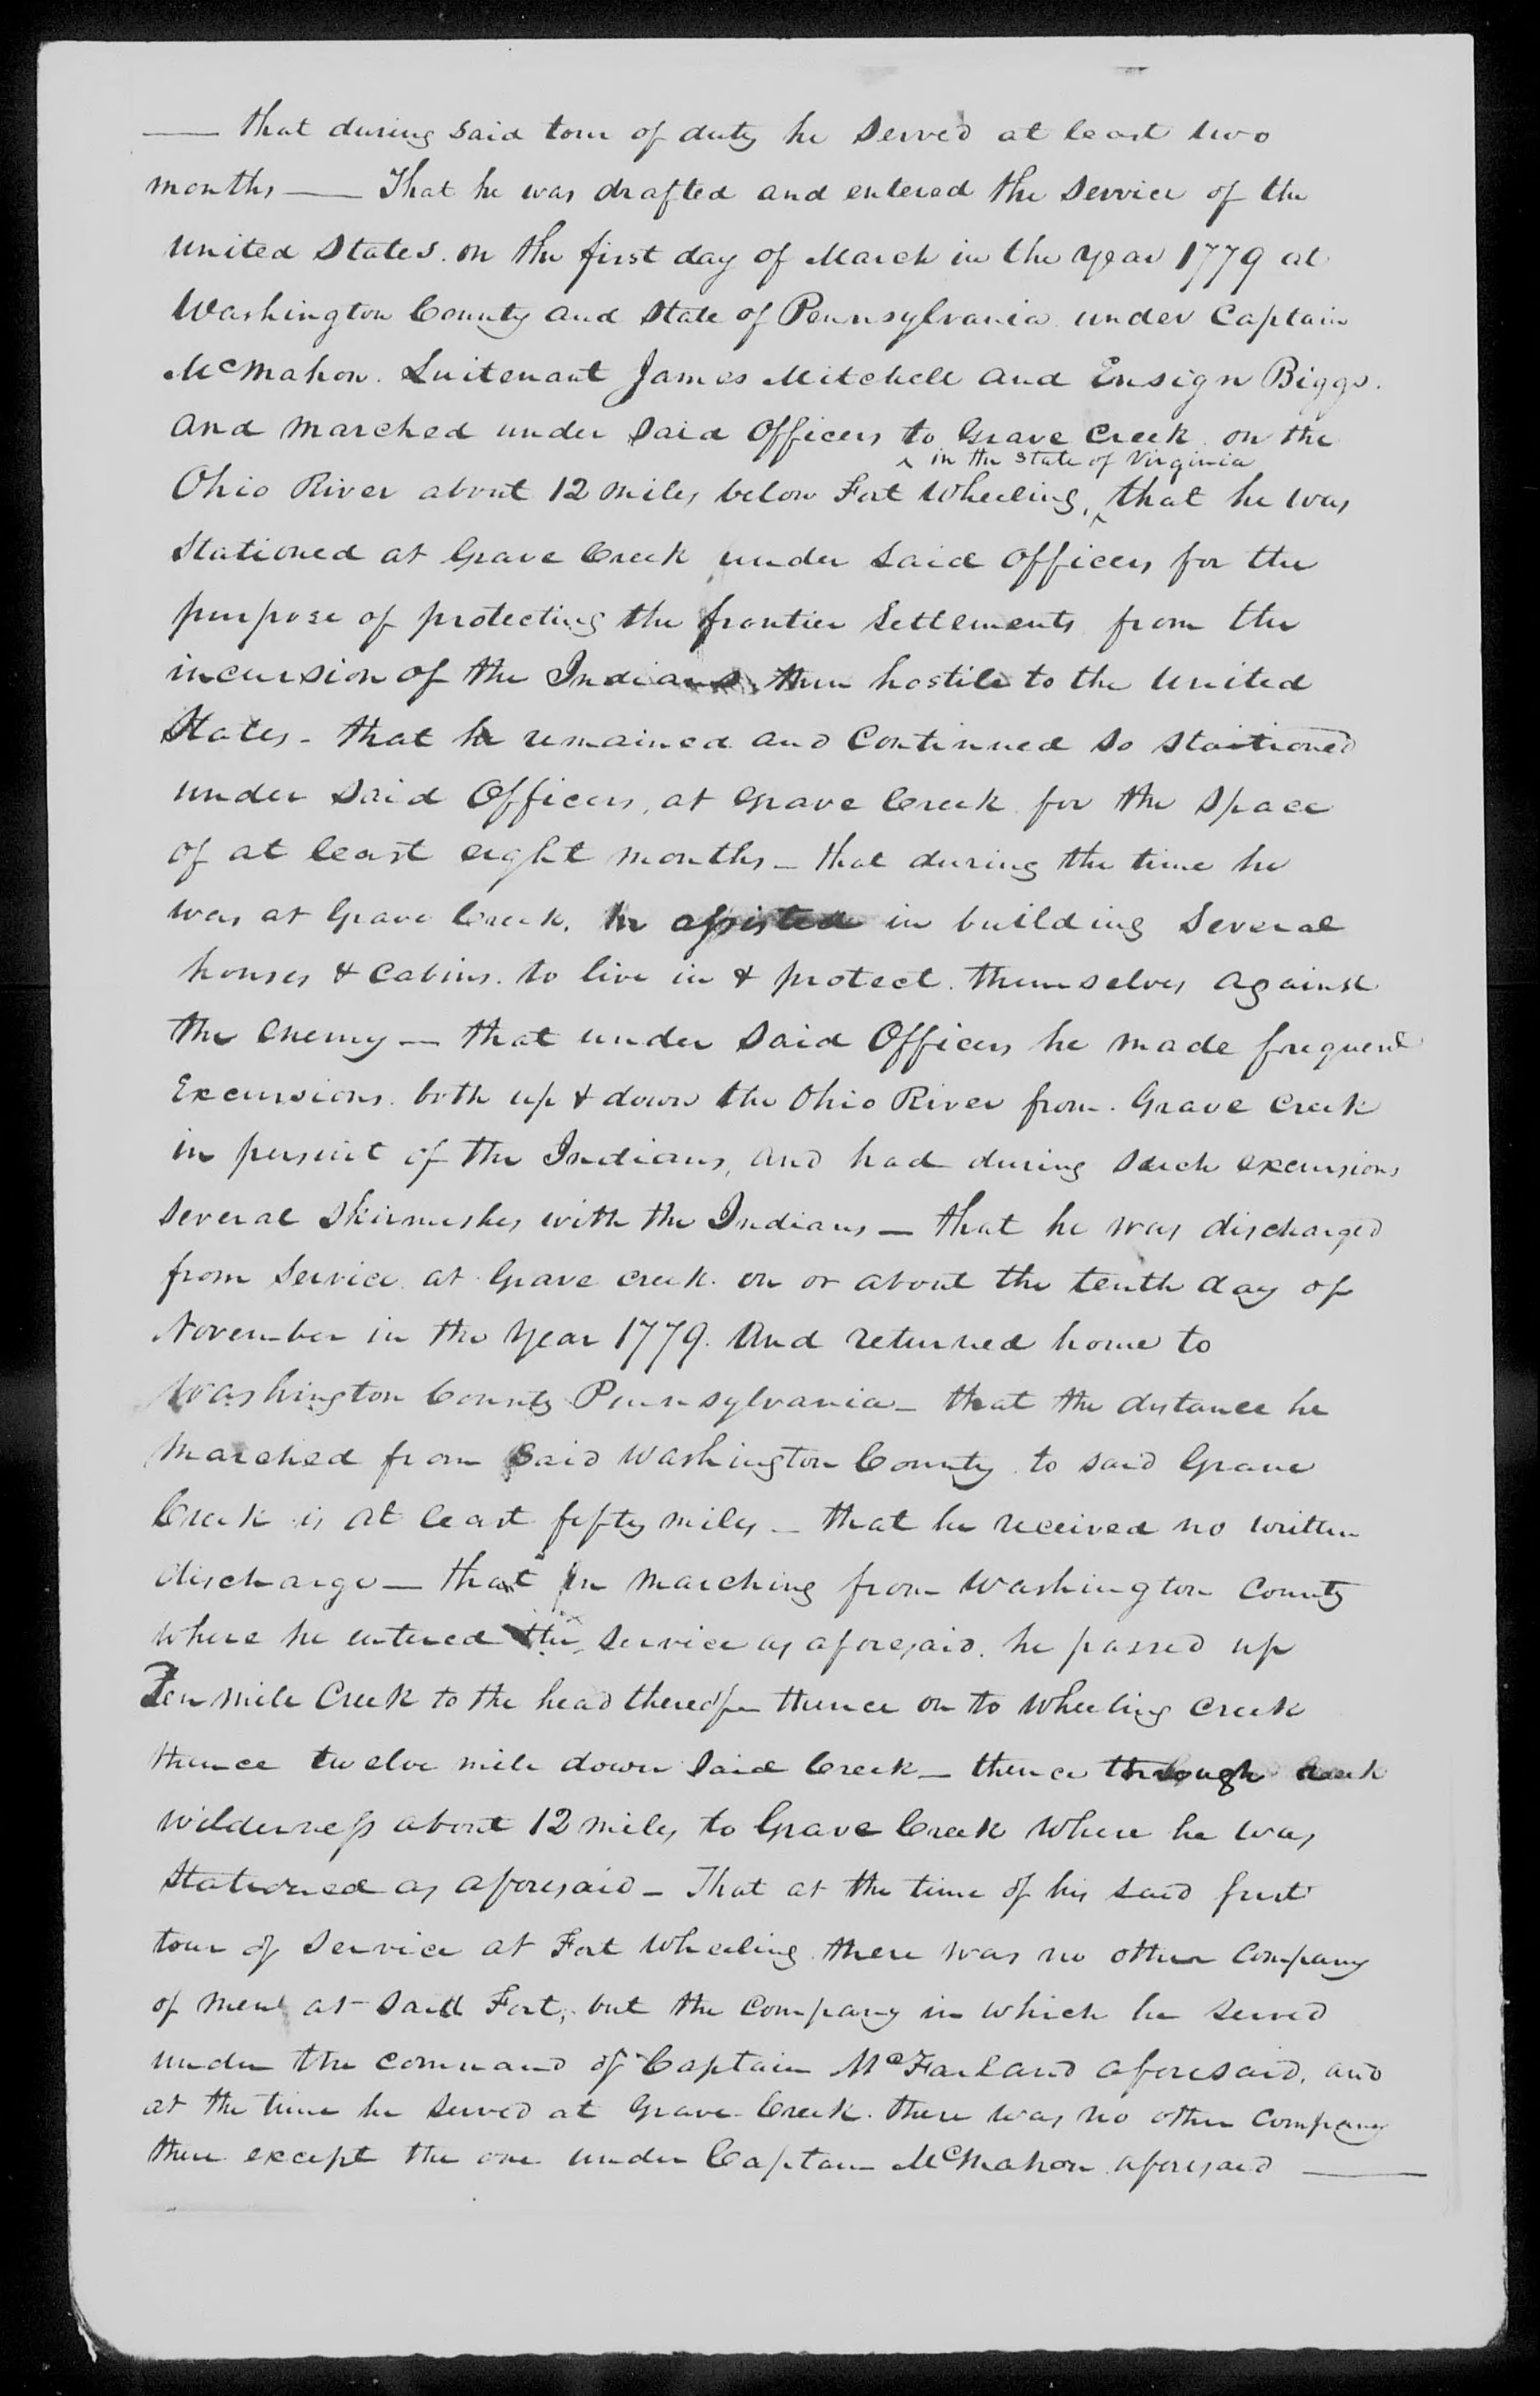That during said tour of duty he served at least two months.

That he was drafted and entered the service of the United States on the first day of March in the year of 1179 at Washington County and state of Pennsylvania under Captain Mc Mahon, Lieutenant James Mitchell and Ensign Biggs and marched under said officers to Grave Creek on the Ohio River, about 12 miles below Fort Wheeling in the state of Virginia; that he was stationed at Grave Creek under said officers for the purpose of protecting the frontier settlements from the incursion of the Indians then hostile to the United States.

That he remained and continued so stationed under said officers at Grave Creek for the space of at least eight months; that during the time he was at Grave Creek he assisted in building several houses and cabins to live in and protect themselves against the enemy.  That under said officers he made frequent excursions both up and down the Ohio River from Grave Creek in pursuit of the Indians and had during such excursions several skirmishes with the Indians.  That he was discharged from service at Grave Creek on or about the tenth day of November in the year 1779 and returned home to Washington County, Pennsylvania. That the distance he marched from said Washington County to said Grave Creek is at least fifty miles.  That he received no written discharge.

That in marching from Washington County where he entered the service aforesaid he passed up Ten Mile Creek to the head thereof , thence on to Wheeling Creek, thence twelve miles down said creek, thence through dark wilderness about 12 miles, to Grave Creek where he was stationed as aforesaid.  That at the time of his said first tour of service at Fort Wheeling there was no other company of men at said Fort, but the company in which he served under the command of Captain McFarland aforesaid and at the time he served at Grave Creek there was no other company there except the one under Captain Mc Mahon aforesaid.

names: Mc Mahon, Mc Mahon, Biggs, Mc Farland, James Mitchell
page: 3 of 9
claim: rejected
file: R 749, Archibald Bennet, Penn.